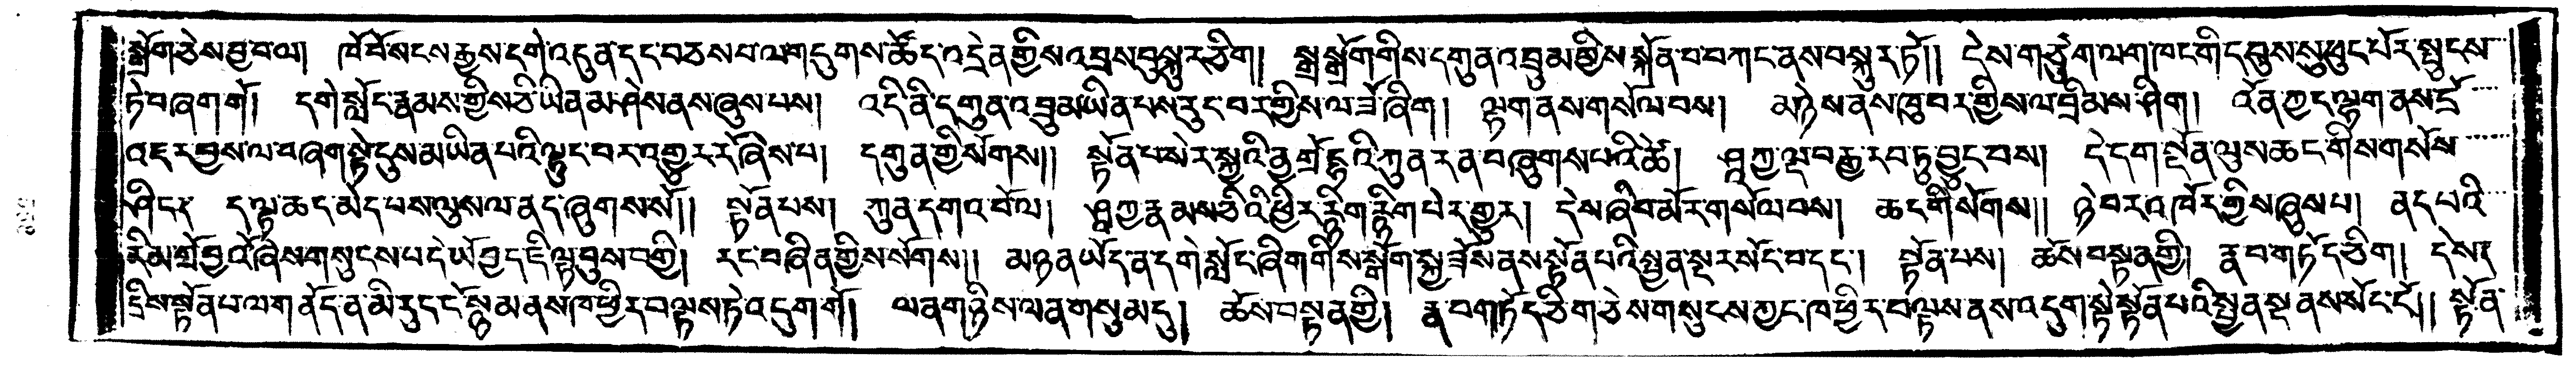སྒྲོག་ཅེས་བྱ་བ་ལ། ཁོ་བོ་སངས་རྒྱས་དགེ་འདུན་དང་བཅས་པ་ལ་གདུགས་ཚོད་འདྲེན་གྱིས་འབྲས་བུ་སྐུར་ཅིག། སྒྲ་སྒྲོག་གིས་དགུན་འབྲུམ་གྱིས་སྐོན་བ་བཀང་ནས་བསྐུར་ཏོ།། དེས་གཙུག་ལག་ཁང་གི་དབུས་སུ་ཕུང་པོར་སྤུངས་
ཏེ་བཞག་གོ། དགེ་སློང་རྣམས་ཀྱིས་ཅི་ཡིན་མ་ཤེས་ནས་ཞུས་པས། འདི་ནི་དགུན་འབྲུམ་ཡིན་པས་རུང་བར་གྱིས་ལ་ཟོ་ཞིག། ལྷག་ནས་གསོལ་བས། མཉེས་ནས་ཁུ་བར་གྱིས་ལ་བྲིམས་ཤིག། འོན་ཀྱང་ལྷག་ནས་དྲོ་
འཇར་བྱས་ལ་བཞག་སྟེ་དུས་མ་ཡིན་པའི་ལྟུང་བར་འགྱུར་རོ་ཞེས་པ། དགུན་གྱི་སོགས། །སྟོན་པ་སེར་སྐྱའི་ནྱ་གྲོ་དྷའི་ཀུན་ར་ན་བཞུགས་པའི་ཚེ། ཤཱཀྱ་ལྔ་བརྒྱ་རབ་ཏུ་བྱུང་བས། དེ་དག་སྔོན་ལུས་ཆང་གིས་གསོས་
ཤིང༑ ད་ལྟ་ཆད་མེད་པས་ལུས་ལ་ནད་ཞུགས་སོ།། སྟོན་པས། ཀུན་དགའ་བོ་ལ། ཤཱཀྱ་རྣམས་ཅིའི་ཕྱིར་རྙིག་རྙིག་པེར་གྱུར། དེས་ཞིབ་མོར་གསོལ་བས། ཆང་གི་སོགས།། ཉེ་བར་འཁོར་གྱིས་ཞུས་པ། ནད་པའི་
རིམ་གྲོ་བྱའོ་ཞེས་གསུངས་པ་དེ་ཡོ་བྱད་ཇི་ལྟ་བུས་བགྱི། རང་བཞིན་གྱིས་སོགས།། མཉན་ཡོད་ན་དགེ་སློང་ཞིག་གིས་སྒོག་སྐྱ་ཟོས་ནས་སྟོན་པའི་སྤྱན་སྔར་སོང་བ་དང་། སྟོན་པས། ཆོས་བསྟན་གྱི། རྣ་བ་གཏོད་ཅིག། དེས༑
དྲིས་སྟོན་པ་ལ་གནོད་ན་མི་རུང་ངོ་སྙམ་ནས་ཁ་ཕྱིར་བལྟས་ཏེ་འདུག་གོ། ལན་གཉིས་ལན་གསུམ་དུ། ཆོས་བསྟན་གྱི། རྣ་བ་གཏོད་ཅིག་ཅེས་གསུངས་ཀྱང་ཁ་ཕྱིར་བལྟས་ནས་འདུག་སྟེ་སྟོན་པའི་སྤྱན་སྔ་ནས་སོང་ངོ། །སྟོན་